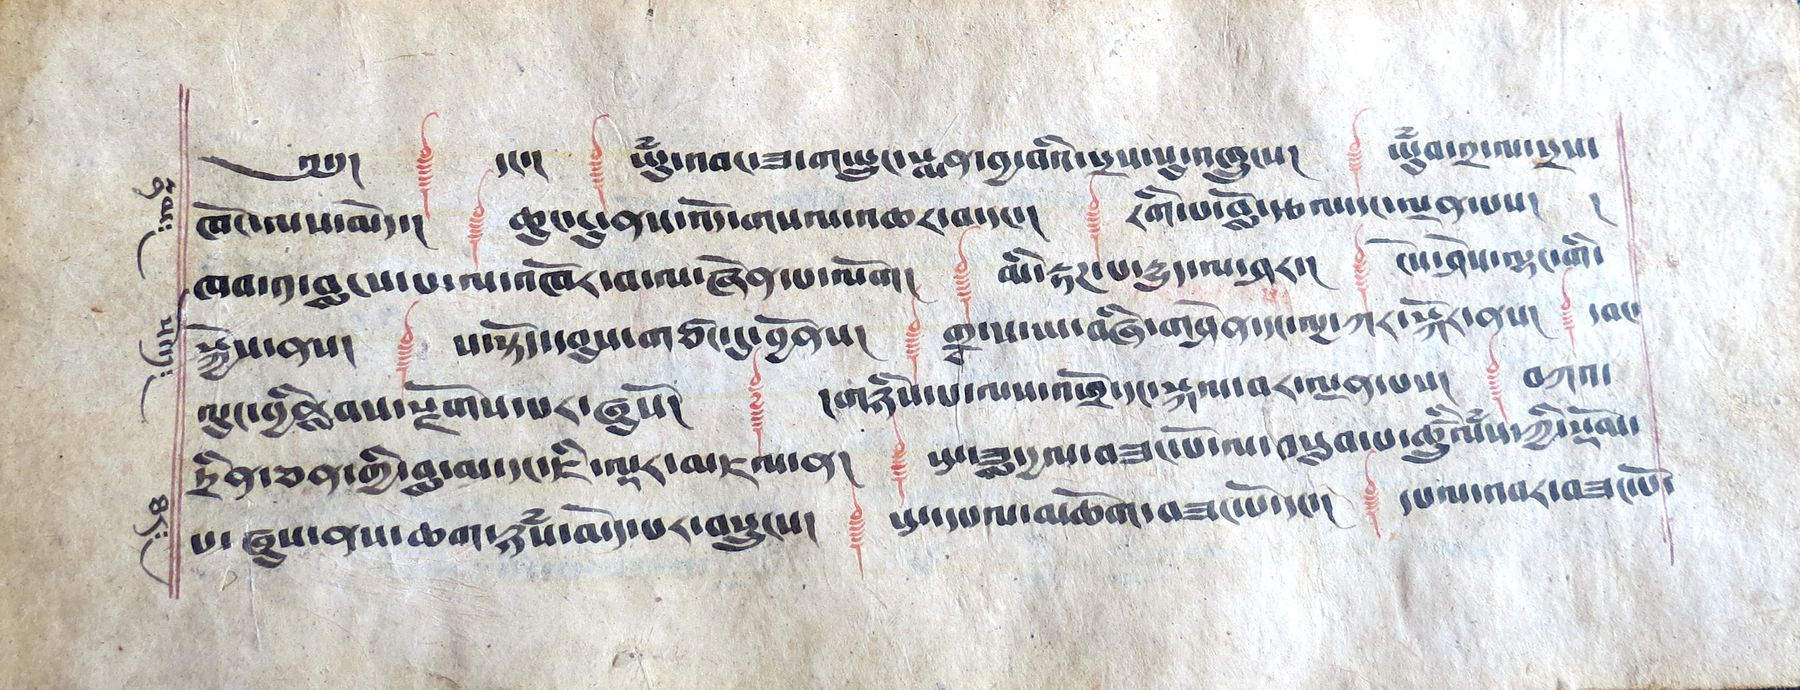དང་། ཡུམ་སྒ་བཟའ་གཡུང་དྲུང་སྨན་བྱའི་སྲས་སུ་འཁྲུངས། ཡབ་ཡུམ་གཉིས་ལ་སྲས་
ཁོང་ལས་མེད། ཆུང་ངུ་ནས་འདོ་གསལ་འཆར་བ་དང་། རིག་པ་བློ་རྩལ་དང་ལྡན་པས། །
ཁབ་ན་བླངས་པ་ལ་འཁོར་བ་ལ་ཞེན་པ་ལོག མི་རྟག་པ་རྒྱུད་ལ་ཤར། ངེས་ཤེས་ལྷང་གི་
སྐྱེས་ནས། ས་སྟོད་དབུས་གཙང་དུ་བྲོན་ནས། གྲྭ་ས་བཞི་གཤེན་དང་ལྔ་ཀར་སྐོར་ནས། དབང་
ལུང་བྱིན་རླབས་རྫོགས་པར་ཞུས་སོ། གཉིས་པ་ལས་འཕྲོ་དང་སྐལ་པར་ལྡན་པས། བཀའ་
དྲིན་ཅན་གྱི་བླ་མ་དང་ཅི་ལྟར་མཇལ་ན། སྤ་ཟླ་རྒྱལ་བཟང་པོ་ལ་བསླབ་པ་ཚུལ་ཁྲིམས་ཀྱི་སྡོམ་
པ་ཞུས་ནས། ཉམས་ཆག་མེད་པར་བསྲུངས། སྤ་དཔལ་མཆོག་བཟང་པོ་དང་། དཔལ་འབར་བཟང་པོ་